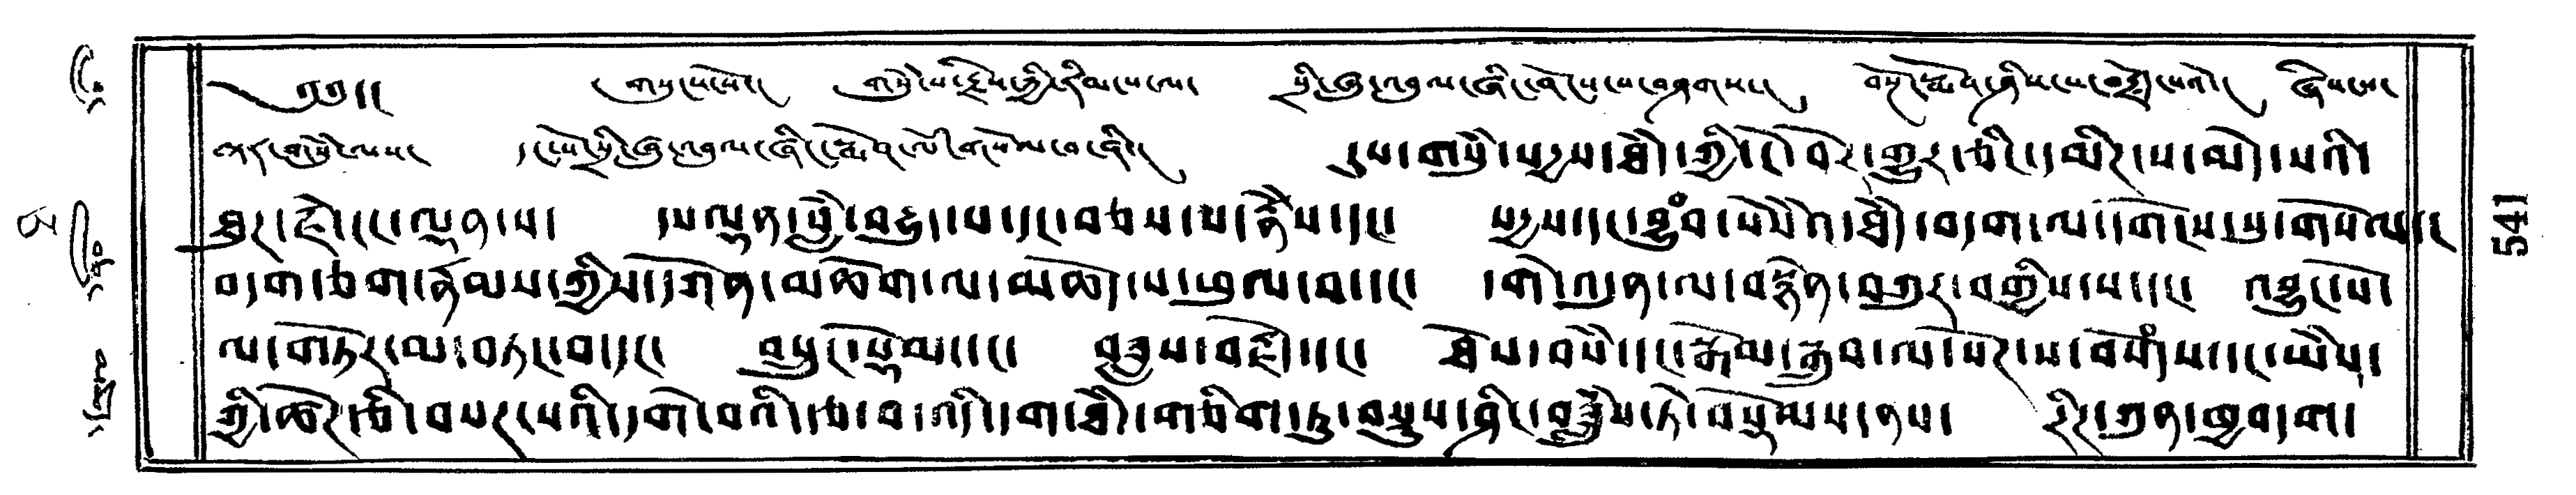གསུངས་སོ། གསུམ་པ་རྗེས་ཀྱི་རིམ་པ་ལ། སྲི་ཞུ་འབུལ་ཞིང་ནོངས་པ་བཤགས། བསྔོ་སྨོན་ཤིས་པ་བརྗོད་པའོ། ཞེས་པ་
ལྟར་གསུམ་ལས། དང་པོ་སྲི་ཞུ་འབུལ་ཞིང་སྨོན་ལམ་གསོལ་བ་ནི། དུས་གསུམ་སངས་རྒྱས་ཐམས་ཅད་ཀྱི་ངོ་བོར་གྱུར་ཅིང་དམིགས་པ་མེད་པའི་
ཐུགས་རྗེ་དང་ལྡན་པ། དཔལ་ལྡན་བླ་མ་བརྒྱུད་པ་དང་བཅས་པ་རྣམས་དང་། སངས་རྒྱས་དང་བྱང་ཆུབ་སེམས་དཔའ་ཐམས་ཅད་བདག་ལ་དགོངས་སུ་གསོལ། 
བདག་ཅག་རྣམས་ཀྱིས་དཀོན་མཆོག་ལ་མཆོད་པ་ཕུལ་བ་དང་། དགེ་འདུན་ལ་བསྙེན་བཀུར་བགྱིས་པ་དང་། འབྱུང་པོ་
ལ་གཏོར་མ་བཏང་བ་དང་། སྲུང་སྡོམ་དང་། བཟླས་བརྗོད་དང་། ཐོས་བསམ་དང་སྒོམ་སྒྲུབ་ལ་སོགས་པ་བསོད་ནམས་དང་ཡེ་ཤེས་
ཀྱི་ཚོགས་ཅི་བསགས་པའི་དགེ་བའི་རྩ་བ་འདི་དག་ཐམས་ཅད་གཅིག་ཏུ་བསྡུས་ཤིང་བཟླུམས་ཏེ་བསྡོམས་ནས། རིགས་ཀུན་ཁྱབ་བདག་